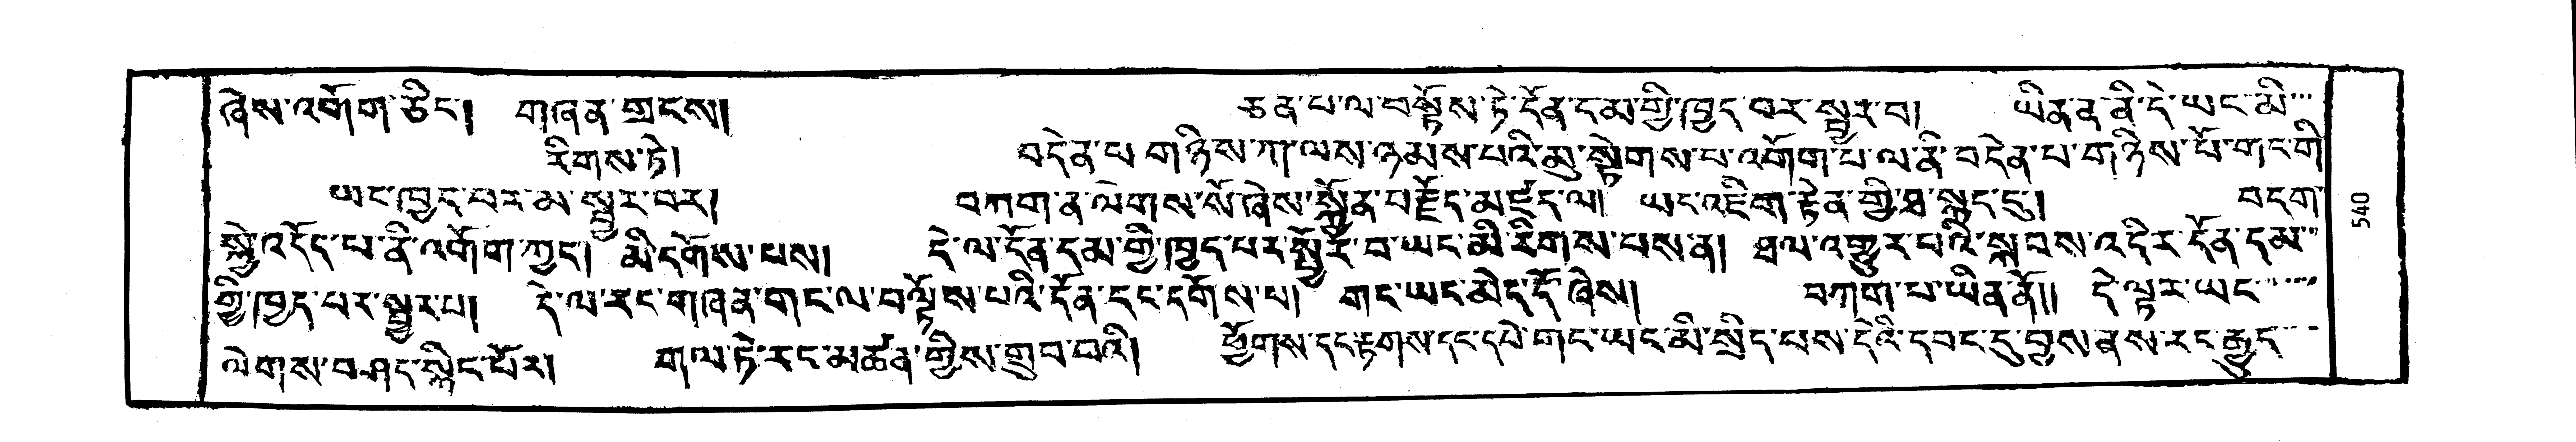ཞེས་འགོག་ཅིང་། གཞན་གྲངས་ཅན་པ་ལ་བལྟོས་ཏེ་དོན་དམ་གྱི་ཁྱད་པར་སྦྱར་བ། ཡིན་ན་ནི་དེ་ཡང་མི་
རིགས་ཏེ། བདེན་པ་གཉིས་ཀ་ལས་ཉམས་པའི་མུ་སྟེགས་པ་འགོག་པ་ལ་ནི་བདེན་པ་གཉིས་པོ་གང་གི་
ཡང་ཁྱད་པར་མ་སྦྱར་བར། བཀག་ན་ལེགས་སོ་ཞེས་སྐྱོན་བརྗོད་མཛད་ལ། ཡང་འཇིག་རྟེན་གྱི་ཐ་སྙད་དུ། བདག་
སྐྱེ་འདོད་པ་ནི་འགོག་ཀྱང་། མི་དགོས་པས། དེ་ལ་དོན་དམ་གྱི་ཁྱད་པར་སྦྱོར་བ་ཡང་མི་རིགས་པས་ན། ཐལ་འགྱུར་པའི་སྐབས་འདིར་དོན་དམ་
གྱི་ཁྱད་པར་སྦྱར་པ། དེ་ལ་རང་གཞན་གང་ལ་བལྟོས་པའི་དོན་དང་དགོས་པ། གང་ཡང་མེད་དོ་ཞེས། བཀག་པ་ཡིན་ནོ། །དེ་ལྟར་ཡང་
ལེགས་བཤད་སྙིང་པོར། གལ་ཏེ་རང་མཚན་གྱིས་གྲུབ་པའི་ཕྱོགས་དང་རྟགས་དང་དཔེ་གང་ཡང་མི་སྲིད་པས་དེའི་དབང་དུ་བྱས་ནས་རང་རྒྱུད་